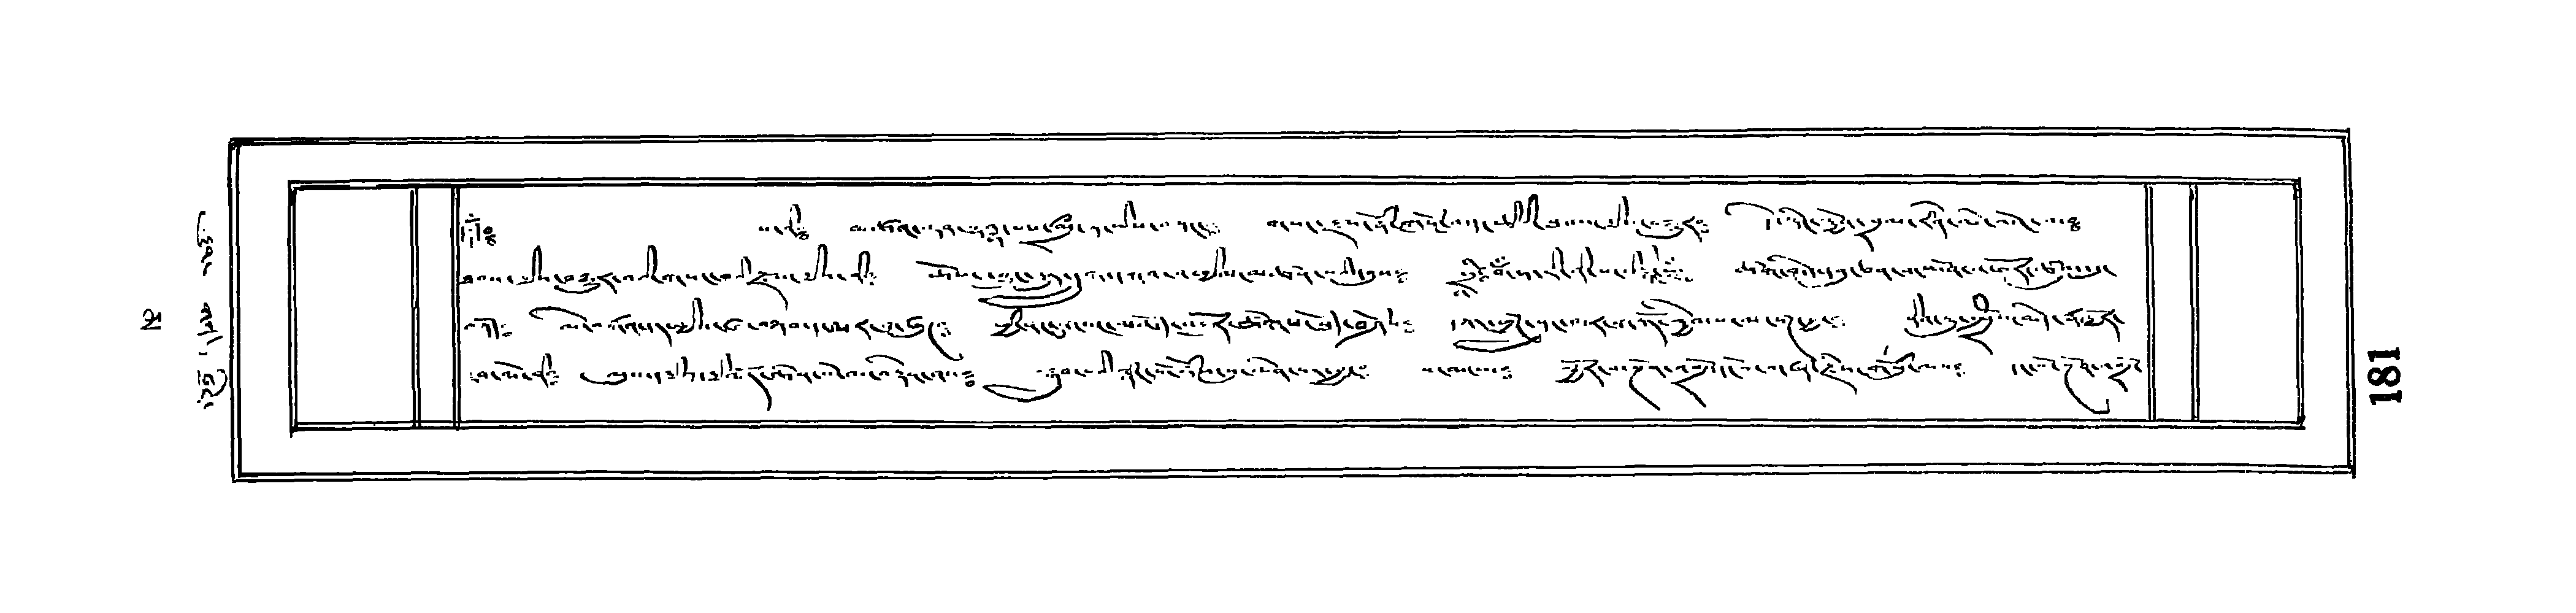པ་ནི༔ མཚན་ལྡན་བྷནྡྷ་ཨ་མྲྀ་ཏ་ཡིས་བཀང༔ གསང་རྫས་རྣམ་གསུམ་འདུད་རྩིའི་ཐབས་ཀྱིས་བསྒྱུར༔ དེ་སྟོང་སྐྱོན་བྲལ་རིན་ཆེན་མེ་ལོང་ལ༔
 ཐབས་ཀྱི་བསྒྱུར་བའི་གསང་བའི་རྫས་ཀྱིས་ནི༔ ཆོས་འབྱུང་ཟུར་དྲུག་དགའ་འཁྱིལ་མཚན་པའི་དབུས༔ ཧྲཱིཿབྃ་ཧ་རི་ནི་ས་སིདྡྷི་ཧཱུྃ༔ ཚེག་མེད་དབུ་ཅན་གཡོན་འཁོར་ཚུལ་དུ་
བཀོད༔ ལེ་བརྒན་དར་གྱིས་ཁ་བཀབ་ད་ལར་གཞུག༔ ཕྱི་ནང་གསང་མཆོད་འབྱོར་ཚོགས་ཐམས་ཅད་བཤམས༔ དཀར་ཕྱོགས་སྲུང་མར་གཏོར་སྐྱེམས་ལ་སོགས་བྱ༔ ཤིན་ཏུ་སྤྲོས་མེད་རྣལ་འབྱོར་
ཟབ་མོ་ནི༔ ལུས་དཀྱིལ་དཀྱིལ་འཁོར་ཆེན་པོ་ལ་བརྟེན་ནས༔ བསྒྲུབ་པའི་སྙིང་པོ་ཉམས་སུ་ལེན་པར་བྱ༔ ས་མ་ཡ༔ རྣལ་འབྱོར་པ་སྔོན་འགྲོ་དངོས་གཞི་རྗེས་གསུམ་ལས༔ དང་པོ་སྔོན་འགྲོ་